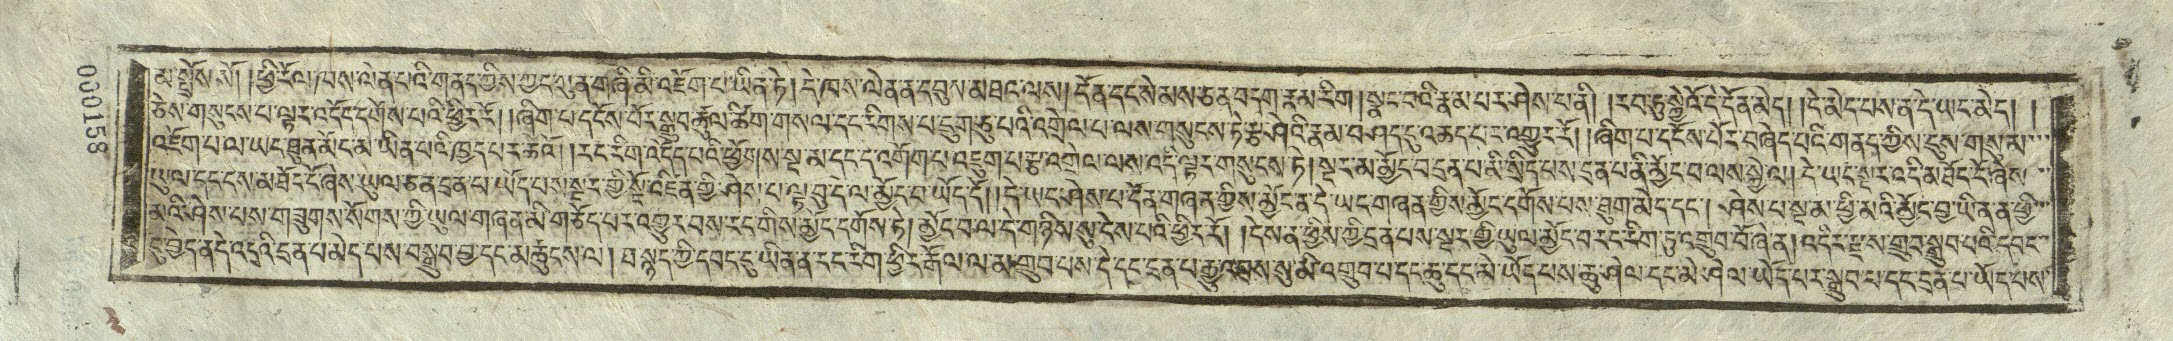མ་སྤྲོས་སོ། །ཕྱི་རོལ་ཁས་ལེན་པའི་གནད་ཀྱིས་ཀྱང་ཀུན་གཞི་མི་འཇོག་པ་ཡིན་ཏེ། དེ་ཁས་ལེན་ན་དབུས་མཐའ་ལས། དོན་དང་སེམས་ཅན་བདག་རྣམ་རིག །སྣང་བའི་རྣམ་པར་ཤེས་པ་ནི། །རབ་ཏུ་སྐྱེའོ་དེ་དོན་མེད། །དེ་མེད་པས་ན་དེ་ཡང་མེད། །
ཅེས་གསུངས་པ་ལྟར་འདོད་དགོས་པའི་ཕྱིར་རོ། །ཞིག་པ་དངོས་པོར་སྒྲུབ་ཚུལ་ཚིག་གསལ་དང་རིགས་པ་དྲུག་ཅུ་པའི་འགྲེལ་པ་ལས་གསུངས་ཏེ་རྩ་ཤེའི་རྣམ་པ་ཤད་དུ་འཆད་པར་འགྱུར་རོ། །ཞིག་པ་དངོས་པོར་བཞེད་པའི་གནད་ཀྱིས་དུས་གསུམ་
འཇོག་པ་ལ་ཡང་ཐུན་མོང་མ་ཡིན་པའི་ཁྱད་པར་ཆེའོ། །རང་རིག་འདོད་པའི་ཕྱོགས་སྔ་མ་དང་དེ་འགོག་པ་འཇུག་པ་རྩ་འགྲེལ་ལས་འདི་ལྟར་གསུངས་ཏེ། སྔར་མ་མྱོང་བ་དྲན་པ་མི་སྲིད་པས་དྲན་པ་ནི་མྱོང་བ་ལས་སྐྱེ་ལ། དེ་ཡང་སྔར་འདི་མཐོང་ངོ་ཞེས་
ཡུལ་དང་ངས་མཐོང་ངོ་ཞེས་ཡུལ་ཅན་དྲན་པ་ཡོད་པས་སྔར་གྱི་སྔོ་འཛིན་གྱི་ཤེས་པ་ལྟ་བུ་དེ་ལ་མྱོང་བ་ཡོད་དོ། །དེ་ཡང་ཤེས་པ་དོན་གཞན་གྱིས་མྱོང་ན་དེ་ཡང་གཞན་གྱིས་མྱོང་དགོས་པས་ཐུག་མེད་དང་། ཤེས་པ་སྔ་མ་ཕྱི་མའི་མྱོང་བྱ་ཡིན་ན་ཕྱི་
མའི་ཤེས་པས་གཟུགས་སོགས་ཀྱི་ཡུལ་གཞན་མི་གཅོད་པར་འགྱུར་བས་རང་གིས་མྱོང་དགོས་ཏེ། མྱོང་བ་ལ་དེ་གཉིས་སུ་ངེས་པའི་ཕྱིར་རོ། །དེས་ན་ཕྱིས་ཀྱི་དྲན་པས་སྔར་གྱི་ཡུལ་མྱོང་བ་རང་རིག་ཏུ་འགྲུབ་བོ་ཞེ་ན། འདིར་རྫས་གྲུབ་སྒྲུབ་པའི་དབང་
དུ་བྱེད་ན་དེ་འདྲའི་དྲན་པ་མེད་པས་བསྒྲུབ་བྱ་དང་མཚུངས་ལ། ཐ་སྙད་ཀྱི་དབང་དུ་ཡིན་ན་རང་རིག་ཕྱིར་རྒོལ་ལ་མ་གྲུབ་པས་དེ་དང་དྲན་པ་རྒྱུ་འབྲས་སུ་མི་འགྲུབ་པ་དང་ཆུ་དང་མེ་ཡོད་པས་ཆུ་ཤེལ་དང་མེ་ཤེལ་ཡོད་པར་སྒྲུབ་པ་དང་དྲན་པ་ཡོད་པས་